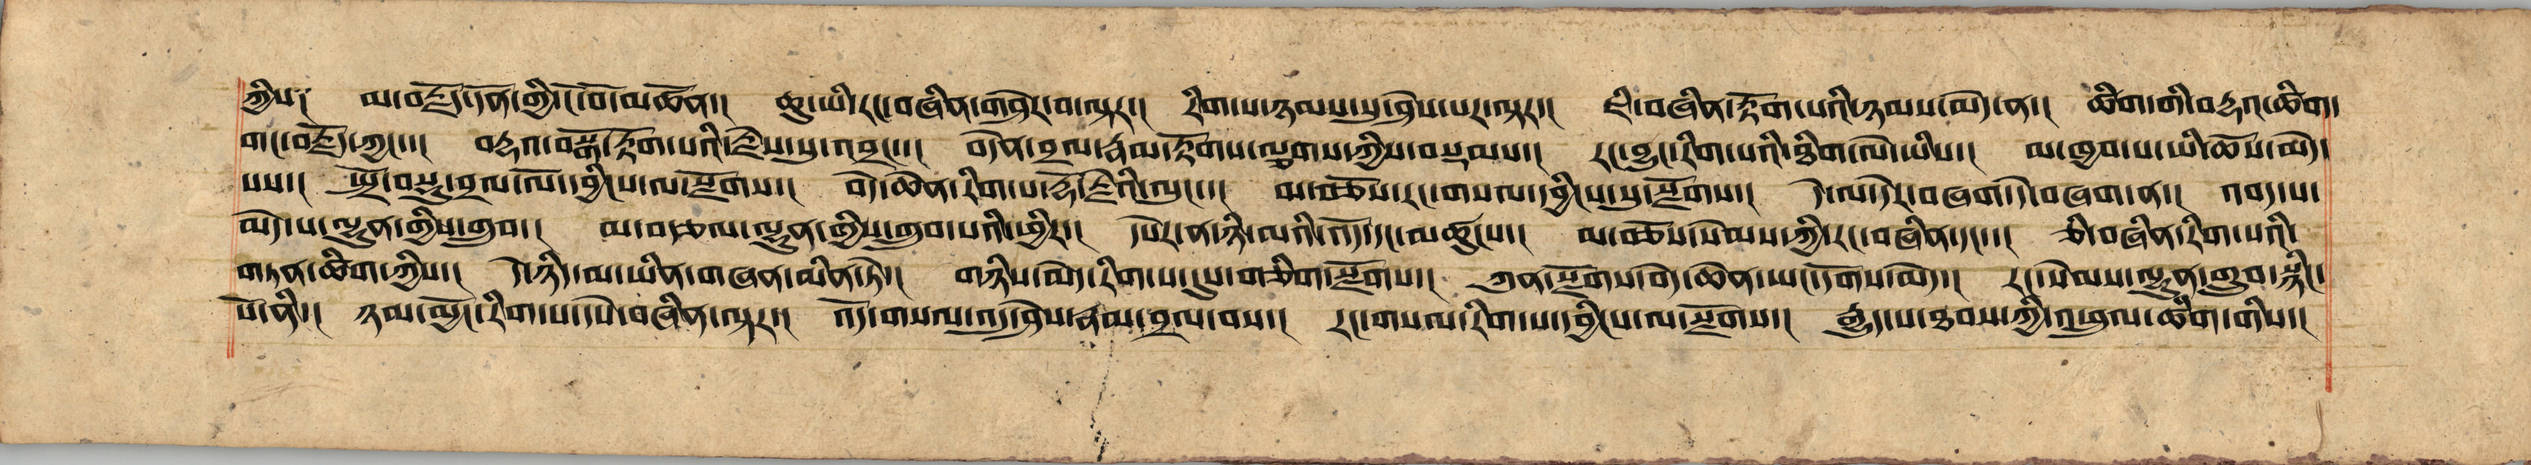ཀྱིས༑ མ་བརྗོད་དོན་གྱི་ངོ་བོ་མཚོན་། ཆུ་ཡི་རང་བཞིན་གཤེར་བ་ལྟར་། རིག་པ་ཉམས་སུ་ཤེས་པར་ལྟར་། ཇི་བཞིན་རྟོག་པའི་ཉམས་མེད་ན་། ཚིག་གི་བརྡའ་ཚིག་
གང་བརྗོད་ཀྱང་་། བརྡའ་བསྒོ་རྟོག་པའི་རྗེས་སུ་འབྲང་་། བདེན་བྲལ་རྣམ་རྟོགས་ལྕགས་ཀྱིས་བསྡམས་། རང་བྱུང་རིག་པའི་ཐིག་ལེ་ཡིས་། མ་ཁྱབ་པ་ཡི་ཆོས་མེད་
པས་། སྤྲོ་བསྡུ་བྲལ་ལོ་དབྱིངས་ལ་སྫོགས་། བདེ་ཆེན་རིག་པ་རྡོ་རྗེའི་ལུང་་། མ་བཅོས་རང་གསལ་དབྱིངས་སུ་སྫོགས་། དེ་ལ་དེར་བཞག་དེ་བཞག་ན་། འབད་པ་
མེད་པ་ལྷུན་གྱིས་གྲུབ་། མ་བརྩལ་ལྷུན་གྱིས་གྲུབ་པའི་ཕྱིར་། དཔེར་ན་ཉི་མའི་འོད་དང་མཚུངས་། མ་བཅོས་སེམས་ཀྱི་རང་བཞིན་དང་་། ཅི་བཞིན་རིག་པའི་
གཏན་ཚིག་ཀྱིས་། དེ་ཉིད་མ་ཡིན་གཞན་མིན་ཏེ་། གཉིས་མེད་རིག་པ་དུས་གཅིག་སྫོགས་། ཀུན་སྫོགས་བདེ་ཆེན་ཡང་དོགས་མེད་། རང་སེམས་ལྷུན་གྲུབ་སྙིང་
སོ་ནི་། ཉམ་མྱོང་རིག་པ་དཔེ་བཞིན་ལྟར་། འོད་གསལ་འདུ་ཤེས་རྣམ་བྲལ་བས་། རང་གསལ་རིག་པ་དབྱིངས་ལ་སྫོགས་། རྒྱུད་པ་ཐབས་ཀྱི་འཕྲུལ་ཚིག་གིས་།